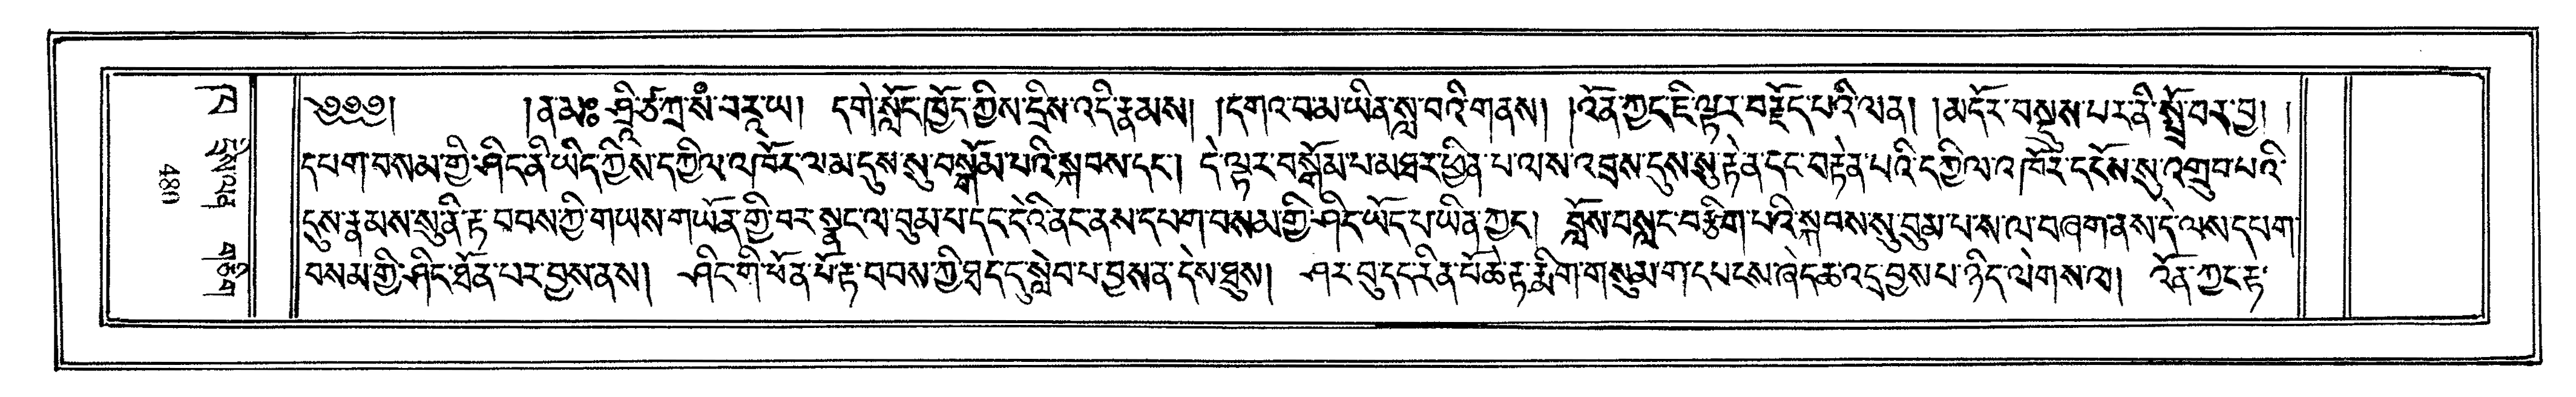༄༅༅། །ན་མཿ ཤྲཱི་ཙ་ཀྲ་སཾ་བ་རཱ་ཡ། དགེ་སློང་ཁྱོད་ཀྱིས་དྲིས་འདི་རྣམས། །དཀའ་བམ་ཡིན་སླ་བའི་གནས། །འོན་ཀྱང་ཇི་ལྟར་བརྗོད་པའི་ལན། །མདོར་བསྡུས་པར་ནི་སྤྲོ་བར་བྱ། །
དཔག་བསམ་གྱི་ཤིང་ནི་ཡིད་ཀྱིས་དཀྱིལ་འཁོར་ལམ་དུས་སུ་བསྒོམ་པའི་སྐབས་དང་། དེ་ལྟར་བསྒོམ་པ་མཐར་ཕྱིན་པ་ལས་འབྲས་དུས་སུ་རྟེན་དང་བརྟེན་པའི་དཀྱིལ་འཁོར་དངོས་སུ་འགྲུབ་པའི་
དུས་རྣམས་སུ་ནི་རྟ་བབས་ཀྱི་གཡས་གཡོན་གྱི་བར་སྣང་ལ་བུམ་པ་དང་དེའི་ནང་ནས་དཔག་བསམ་གྱི་ཤིང་ཡོང་བ་ཡིན་ཀྱང་། བློས་བསླང་བརྩིག་པའི་སྐབས་སུ་བུམ་པ་ས་ལ་བཞག་ནས་དེ་ལས་དཔག་
བསམ་གྱི་ཤིང་ཐོན་པར་བྱས་ནས། ཤིང་གི་ཕོན་པོ་རྟ་བབས་ཀྱི་ཐད་དུ་སླེབ་པ་བྱས་ན་དེས་ཐུས། ཤར་བུ་དང་རིན་པོ་ཆེ་རྟ་རྨིག་གསུམ་དཔངས་ཞེང་ཆ་འདྲ་བྱས་པ་ཉིད་ལེགས་ལ། འོན་ཀྱང་རྟ་